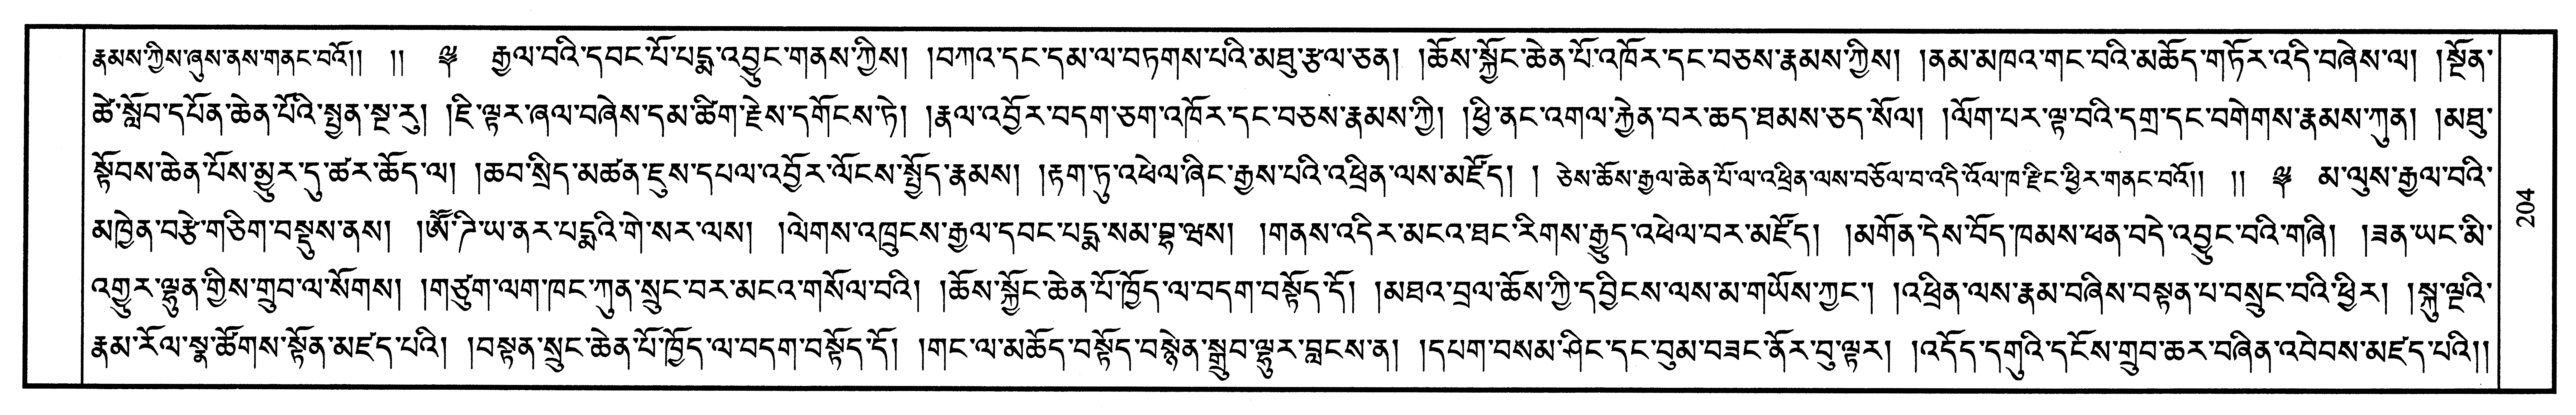རྣམས་ཀྱིས་ཞུས་ནས་གནང་བའོ།། །། ༈ རྒྱལ་བའི་དབང་པོ་པདམ་འབྱུང་གནས་ཀྱིས། །བཀའ་དང་དམ་ལ་བཏགས་པའི་མཐུ་རྩལ་ཅན། །ཆོས་སྐྱོང་ཆེན་པོ་འཁོར་དང་བཅས་རྣམས་ཀྱིས། །ནམ་མཁའ་གང་བའི་མཆོད་གཏོར་འདི་བཞེས་ལ། །སྔོན་
ཚེ་སློབ་དཔོན་ཆེན་པོའི་སྤྱན་སྔ་རུ། །ཇི་ལྟར་ཞལ་བཞེས་དམ་ཚིག་རྗེས་དགོངས་ཏེ། །རྣལ་འབྱོར་བདག་ཅག་འཁོར་དང་བཅས་རྣམས་ཀྱི། །ཕྱི་ནང་འགལ་རྐྱེན་བར་ཆད་ཐམས་ཅད་སོལ། །ལོག་པར་ལྟ་བའི་དགྲ་དང་བགེགས་རྣམས་ཀུན། །མཐུ་
སྟོབས་ཆེན་པོས་མྱུར་དུ་ཚར་ཆོད་ལ། །ཆབ་སྲིད་མཚན་ཇུས་དཔལ་འབྱོར་ལོངས་སྤྱོད་རྣམས། །རྟག་ཏུ་འཕེལ་ཞིང་རྒྱས་པའི་འཕྲིན་ལས་མཛོད། །ཅེས་ཆོས་རྒྱལ་ཆེན་པོ་ལ་འཕྲིན་ལས་བཅོལ་བ་འདི་འོལ་ཁ་རྫིང་ཕྱིར་གནང་བའོ།། །། ༈ མ་ལུས་རྒྱལ་བའི་
མཁྱེན་བརྩེ་གཅིག་བསྡུས་ནས། །ཨཽ་ཌི་ཡ་ནར་པདམའི་གེ་སར་ལས། །ལེགས་འཁྲུངས་རྒྱལ་དབང་པདམ་སམ་བྷ་ཝས། །གནས་འདིར་མངའ་ཐང་རིགས་རྒྱུད་འཕེལ་བར་མཛོད། །མགོན་དེས་བོད་ཁམས་ཕན་བདེ་འབྱུང་བའི་གཞི། །ཟན་ཡང་མི་
འགྱུར་ལྷུན་གྱིས་གྲུབ་ལ་སོགས། །གཙུག་ལག་ཁང་ཀུན་སྲུང་བར་མངའ་གསོལ་བའི། །ཆོས་སྐྱོང་ཆེན་པོ་ཁྱོད་ལ་བདག་བསྟོད་དོ། །མཐའ་བྲལ་ཆོས་ཀྱི་དབྱིངས་ལས་མ་གཡོས་ཀྱང་། །འཕྲིན་ལས་རྣམ་བཞིས་བསྟན་པ་བསྲུང་བའི་ཕྱིར། །སྐུ་ལྔའི་
རྣམ་རོལ་སྣ་ཚོགས་སྟོན་མཛད་པའི། །བསྟན་སྲུང་ཆེན་པོ་ཁྱོད་ལ་བདག་བསྟོད་དོ། །གང་ལ་མཆོད་བསྟོད་བསྙེན་སྒྲུབ་ལྷུར་བླངས་ན། །དཔག་བསམ་ཤིང་དང་བུམ་བཟང་ནོར་བུ་ལྟར། །འདོད་དགུའི་དངོས་གྲུབ་ཆར་བཞིན་འབེབས་མཛད་པའི།།